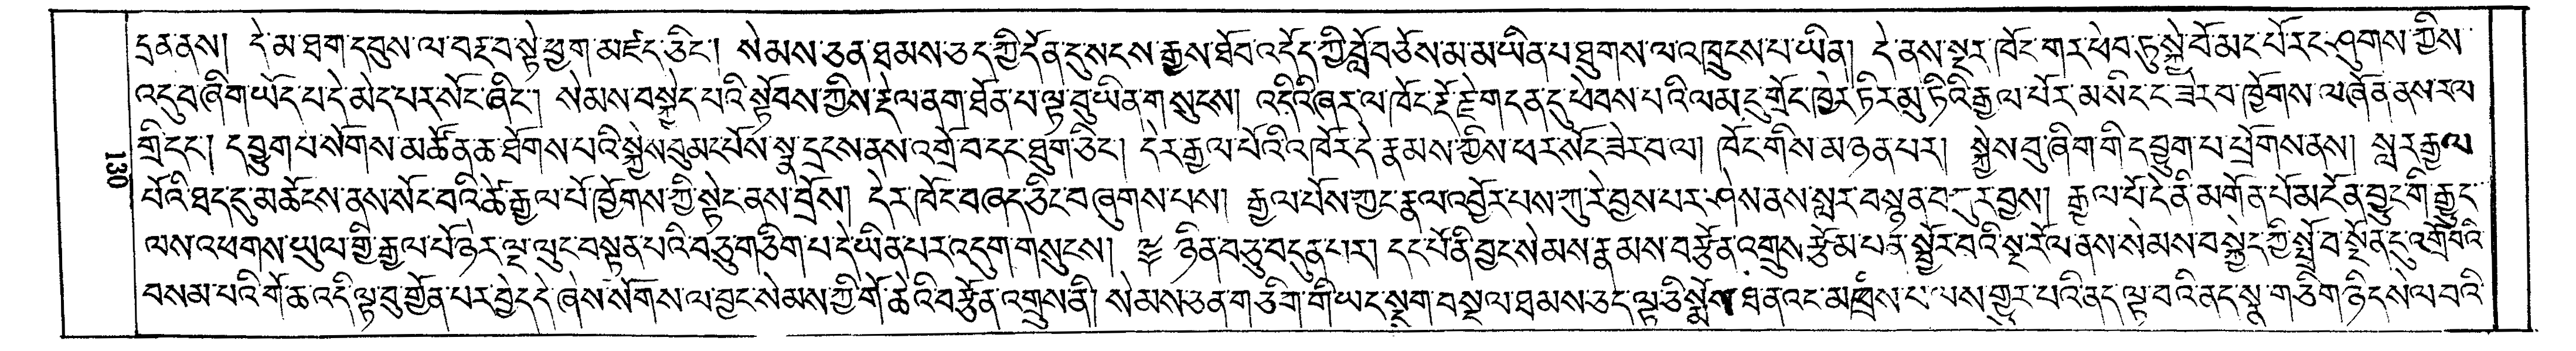དྲན་ནས། དེ་མ་ཐག་དབུས་ལ་བརྡབ་སྟེ་ཕྱག་མཛད་ཅིང་། སེམས་ཅན་ཐམས་ཅད་ཀྱི་དོན་དུ་སངས་རྒྱས་ཐོབ་འདོད་ཀྱི་བློ་བཅོས་མ་མ་ཡིན་པ་ཐུགས་ལ་འཁྲུངས་པ་ཡིན། དེ་ནས་སྔར་ཁོང་གར་ཕེབ་ཏུ་སྐྱེ་བོ་མང་བོ་རང་ཤུགས་ཀྱིས་
འདུ་བ་ཞིག་ཡོད་པ་དེ་མེད་པར་སོང་ཞིང་། སེམས་བསྐྱེད་བའི་སྟོབས་ཀྱིས་རྡེལ་ནག་ཐོན་པ་ལྟ་བུ་ཡིན་གསུངས། འདིའི་ཞར་ལ་ཁོང་རྡོ་རྗེ་གདན་དུ་ཕེབས་པའི་ལམ་དུ་གྲོང་ཁྱེར་ཏི་ར་ཧུ་ཏིའི་རྒྱལ་པོར་མ་སིང་ང་ཟེར་བ་ཁྱོགས་ལ་ཞོན་ནས་རལ་
གྲི་དང་། དབྱུག་པ་སོགས་མཚོན་ཆ་ཐོགས་པའི་སྐྱེས་བུ་མང་པོས་སྣ་དྲངས་ནས་འགྲོ་བ་དང་ཐུག་ཅིང་། དེར་རྒྱལ་པོའི་འཁོར་དེ་རྣམས་ཀྱིས་ཕར་སོང་ཟེར་བ་ལ། ཁོང་གིས་མ་ཉན་པར། སྐྱེས་བུ་ཞིག་གི་དབྱུག་པ་ཕྲོགས་ནས། སླར་རྒྱལ་
པོའི་ཐད་དུ་མཆོངས་ནས་སོང་བའི་ཚེ་རྒྱལ་པོ་ཁྱོགས་ཀྱི་སྟེང་ནས་བྲོས། དེར་ཁོང་བཞད་ཅིང་བཞུགས་པས། རྒྱལ་པོས་ཀྱང་རྣལ་འབྱོར་པས་ཀུ་རེ་བྱས་བར་ཤེས་ནས་སླར་བསྙེན་བཀུར་བྱས། རྒྱལ་པོ་དེ་ནི་མགོན་པོ་མངོན་བྱུང་གི་རྒྱུད་
ལས་འཕགས་ཡུལ་གྱི་རྒྱལ་པོ་ཉེར་ལྔ་ལུང་བསྟན་པའི་བཅུ་གཅིག་པ་དེ་ཡིན་པར་འདུག་གསུངས། ༈ ཉིན་བཅུ་བདུན་པར། དང་པོ་ནི་བྱང་སེམས་རྣམས་བརྩོན་འགྲུས་རྩོམ་པ་ན་སྦྱོར་བའི་སྔ་རོལ་ནས་སེམས་བསྐྱེད་ཀྱི་སྤྲོ་བ་སྔོན་དུ་འགྲོ་བའི་
བསམ་པའི་གོ་ཆ་འདི་ལྟ་བུ་གྱོན་པར་བྱེད་དེ་ཞེས་སོགས་ལ་བྱང་སེམས་ཀྱི་གོ་ཆའི་བརྩོན་འགྲུས་ནི། སེམས་ཅན་གཅིག་གི་ཡང་སྡུག་བསྔལ་ཐམས་ཅད་ལྟ་ཅི་སྨོས་ཐ་ནའང་མཁྲིས་པ་ལས་གྱུར་པའི་ནད་ལྟ་བུའི་ནད་སྣ་གཅིག་ཉིད་སེལ་བའི་